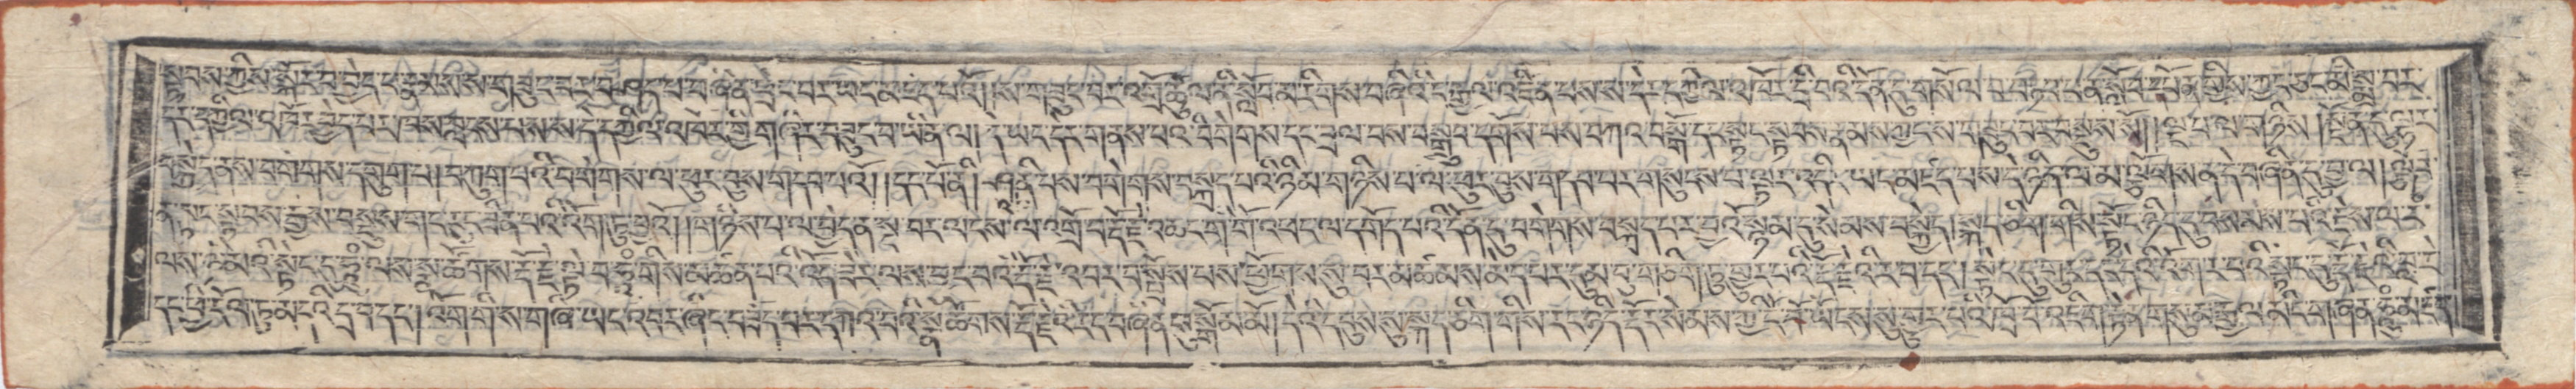སྟབས་ཀྱིས་སྐོར་བ་བྱེད་པ་རྣམས་ས་གཟུང་བར་བཤད་པ་བཞིན་ཕྲེང་བར་ཡང་མཛད་པའོ། །ས་གཟུང་བར་འགྲོ་ཚུལ་ནི་སློབ་མ་རིགས་བཞིའི་ང་རྒྱལ་འཛིན་པས་ས་དེར་དཀྱིལ་འཁོར་དྲི་བའི་དོན་དུ་གསོལ་བ་བཏབ་པ་ན་སློབ་དཔོན་གྱིས་ཀྱང་ཅང་མི་སྨྲ་བར་
དེར་དཀྱིལ་འཁོར་བྱེད་པར་ཁས་བླངས་པས་ས་དེ་དཀྱིལ་འཁོར་གྱི་གཞིར་བཟུང་བ་ཡིན་ལ། དེ་ཡང་དེར་གནས་པའི་བགེགས་དང་བྲལ་བས་བསྒྲུབ་དགོས་པས་བཀའ་བསྒོ་དང་སྟང་སྟབས་རྣམས་ཀྱང་ས་གཟུང་བར་བསྡུས་སོ། །ལྔ་པ་ལ་གཉིས། སྔོན་དུ་ལྷར་
བསྐྱེད་ནས་བགེགས་དགུག་པ། བཀུག་པའི་བགེགས་ལ་ཕུར་བུས་གདབ་པའོ། །དང་པོ་ནི། ཤཱནྟི་པས་བགེགས་བསྐྲད་པའི་ཉི་མ་གཉིས་པ་ལ་ཕུར་བུས་གདབ་པར་གསུངས་པ་ལྟར་འདིར་ཡང་མཛད་པས་དེ་ཉིན་ལ་མ་ལྕོགས་ན་དེ་བཞིན་དུ་བྱ་ལ། ལྕོགས་
ན་སྟང་སྟབས་རྒྱས་བསྡུས་གང་རུང་ཟིན་པའི་འོག་ཏུ་བྱའོ། །གཉིས་པ་ལ་བྱེད་ན་སྔ་བར་ལངས་ལ་འགྲོ་བ་རྡོ་རྗེ་འཆང་གི་གོ་འཕང་ལ་དགོད་པའི་དོན་དུ་བགེགས་བསྐྲད་པར་བྱའོ་སྙམ་དུ་སེམས་བསྐྱེད། སྐད་ཅིག་གིས་སྟོང་ཉིད་དུ་བསམས་པའི་རྗེས་ལ་རཾ་
ལས་ཉི་མའི་སྟེང་དུ་ཧཱུཾ་ལས་སྣ་ཚོགས་རྡོ་རྗེ་ལྟེ་བ་ཧཱུཾ་གིས་མཚན་པའི་འོད་ཟེར་ལས་བྱུང་བའི་རྡོ་རྗེ་འབར་བ་སྤྲོས་པས་ཕྱོགས་སུ་བར་མཚམས་མེད་པར་དུམ་བུ་གཅིག་ཏུ་གྱུར་པའི་རྡོ་རྗེའི་ར་བ་དང་། སྟེང་དུ་གུར་དང་དེའི་འོག་ར་བའི་སྟེང་དུ་རྡོ་རྗེའི་བླ་རེ་
དང་ཕྱི་རོལ་ཏུ་མདའི་དྲ་བ་དང་། འོག་གི་ས་གཞི་ཡང་འབར་ཞིང་བཟོད་པར་དཀའ་བའི་སྣ་ཚོགས་རྡོ་རྗེའི་རང་བཞིན་དུ་བསྒོམ་མོ། དེའི་དབུས་སུ་སྐད་ཅིག་གིས་རང་ཉིད་རྡོར་སེམས་ཀྱི་ངོ་བོ་ཡོངས་སུ་གྱུར་པའི་ཁྲོ་བོ་འཇིག་རྟེན་གསུམ་རྒྱལ་མིང་གཞན་ཧཱུཾ་མཛད་